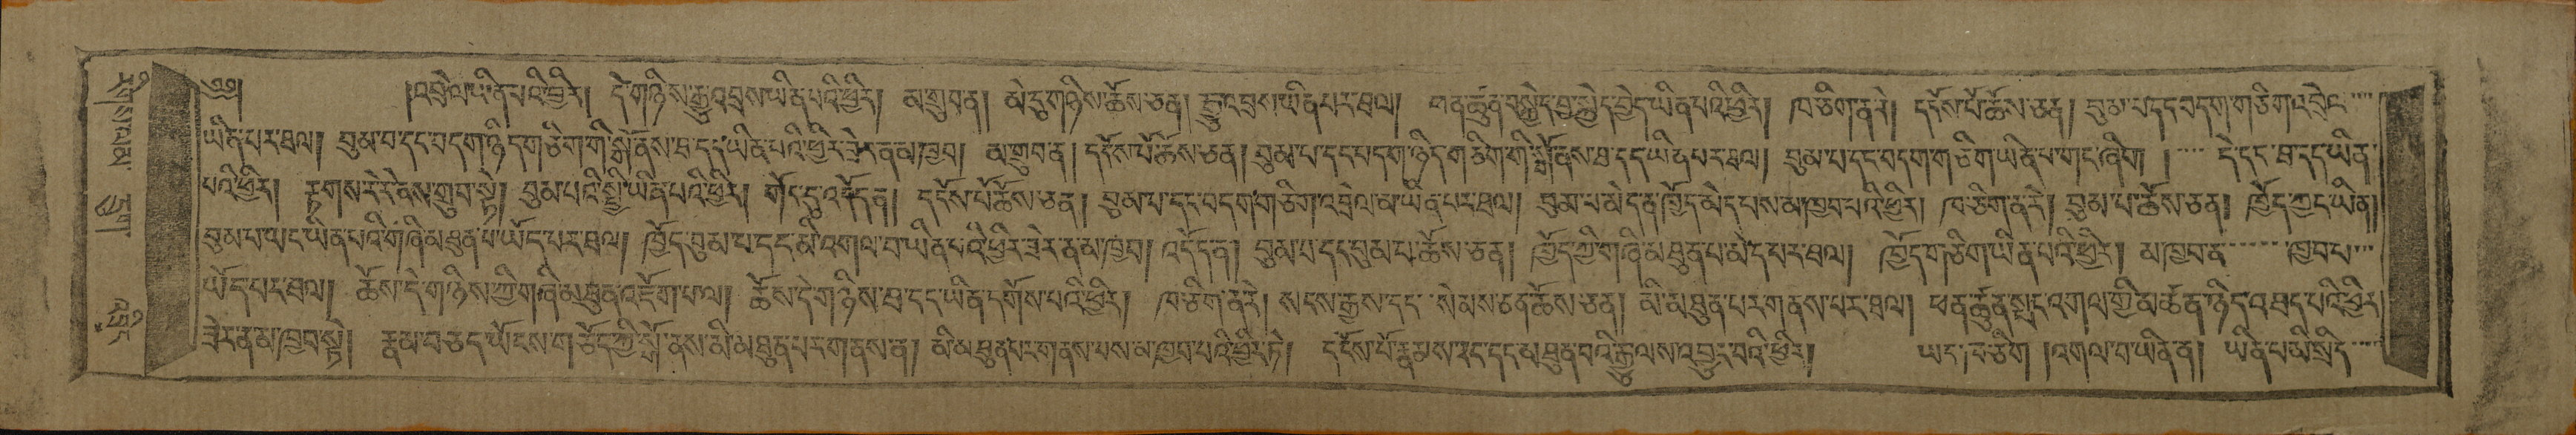༄༅། །འབྲེལ་ཡིན་པའི་ཕྱིར། དེ་གཉིས་རྒྱུ་འབྲས་ཡིན་པའི་ཕྱིར། མ་གྲུབ་ན། མེ་དུ་གཉིས་ཆོས་ཅན། རྒྱུ་འབྲས་ཡིན་པར་ཐལ། ཕན་ཚུན་བསྐྱེད་བྱ་སྐྱེད་བྱེད་ཡིན་པའི་ཕྱིར། ཁ་ཅིག་ན་རེ། དངོས་པོ་ཆོས་ཅན། བུམ་པ་དང་བདག་གཅིག་འབྲེལ་
ཡིན་པར་ཐལ། བུམ་པ་དང་བདག་ཉིད་གཅིག་གི་སྒོ་ནས་ཐ་དད་ཡིན་པའི་ཕྱིར་ཟེར་ན་མ་ཁྱབ། མ་གྲུབ་ན། དངོས་པོ་ཆོས་ཅན། བུམ་པ་དང་བདག་ཉིད་གཅིག་གི་སྒོ་ནས་ཐ་དད་ཡིན་པར་ཐལ། བུམ་པ་དང་བདག་གཅིག་ཡིན་པ་གང་ཞིག །དེ་དང་ཐ་དད་ཡིན་
པའི་ཕྱིར། རྟགས་རེ་རེ་ནས་གྲུབ་སྟེ། བུམ་པའི་སྤྱི་ཡིན་པའི་ཕྱིར། གོང་དུ་འདོད་ན། དངོས་པོ་ཆོས་ཅན། བུམ་པ་དང་བདག་གཅིག་འབྲེལ་མ་ཡིན་པར་ཐལ། བུམ་པ་མེད་ན་ཁྱོད་མེད་པས་མ་ཁྱབ་པའི་ཕྱིར། ཁ་ཅིག་ན་རེ། བུམ་པ་ཆོས་ཅན། ཁྱོད་ཀྱང་ཡིན།
བུམ་པ་ཡང་ཡིན་པའི་གཞི་མཐུན་པ་ཡོད་པར་ཐལ། ཁྱོད་བུམ་པ་དང་མི་འགལ་བ་ཡིན་པའི་ཕྱིར་ཟེར་ན་མ་ཁྱབ། འདོད་ན། བུམ་པ་དང་བུམ་པ་ཆོས་ཅན། ཁྱོད་ཀྱི་གཞི་མཐུན་པ་མེད་པར་ཐལ། ཁྱོད་གཅིག་ཡིན་པའི་ཕྱིར། མ་ཁྱབ་ན་ཁྱབ་པ་
ཡོད་པར་ཐལ། ཆོས་དེ་གཉིས་ཀྱི་གཞི་མཐུན་འཇོག་པ་ལ། ཆོས་དེ་གཉིས་ཐ་དད་ཡིན་དགོས་པའི་ཕྱིར། ཁ་ཅིག་ན་རེ། སངས་རྒྱས་དང་སེམས་ཅན་ཆོས་ཅན། མི་མཐུན་པར་གནས་པར་ཐལ། ཕན་ཚུན་སྤང་འགལ་གྱི་མཚན་ཉིད་འཐད་པའི་ཕྱིར་
ཟེར་ན་མ་ཁྱབ་སྟེ། རྣམ་བཅད་ཡོངས་གཅོད་ཀྱི་སྒོ་ནས་མི་མཐུན་པར་གནས་ན། མི་མཐུན་པར་གནས་པས་མ་ཁྱབ་པའི་ཕྱིར་ཏེ། དངོས་པོ་རྣམས་རང་དང་མཐུན་པའི་རྒྱུ་ལས་འབྱུང་བའི་ཕྱིར། ཡང་ཁ་ཅིག །འགལ་བ་ཡིན་ན། ཡིན་པ་མི་སྲིད་